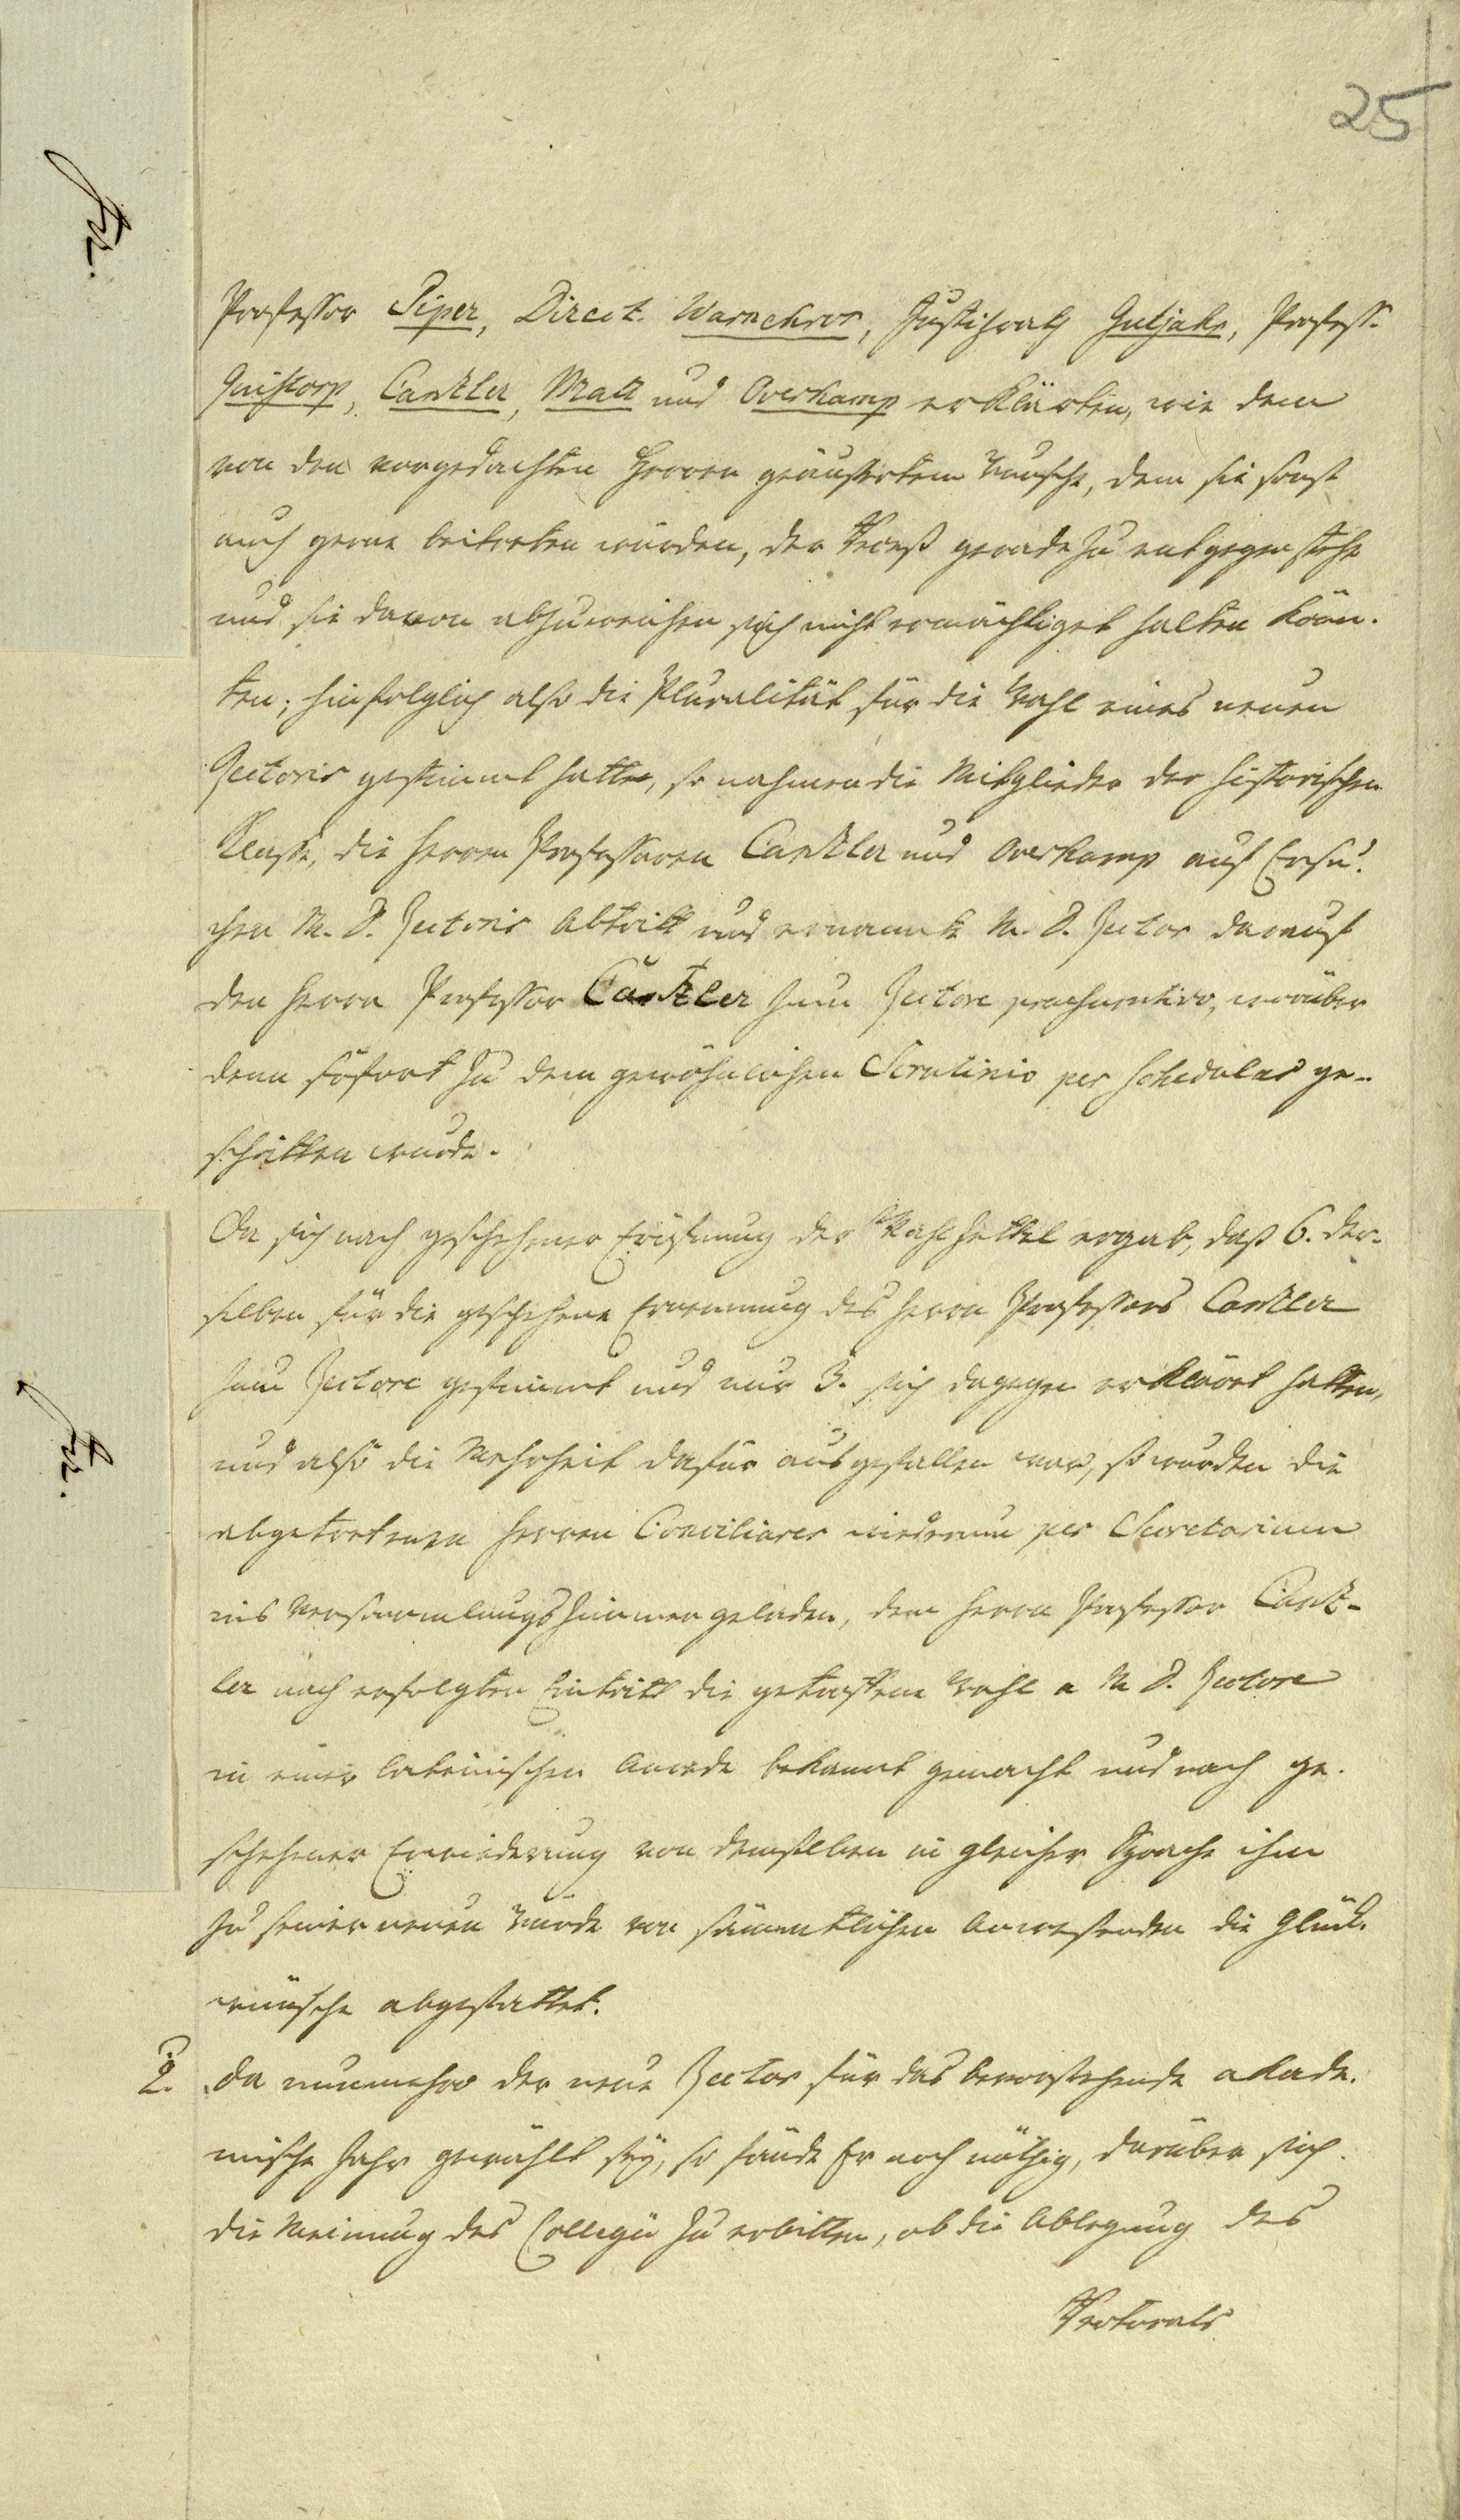Professor Piper, Direct. Warnekros, Justizrath Gutjahr, Profess.
Quistorp, Canzler, Bratt und Overkamp erklärten, wie dem
von den vorgedachten Herren geäussertem Wunsche, dem sie sonst
auch gerne beitreten würden, der Receß geradezu entgegen stehe
und sie davon abzuweichen sich nicht ermächtiget halten könn¬
ten, hinfolglich also die Pluralität für die Wahl eines neuen
Rectoris gestimmt hätte, so nahmen die Mitglieder der historischen
Klasse, die Herren Professoren Canzler und Overkamp auf Ersu¬
chen M. D. Rectoris Abtritt und ernannte M. D. Rector darauf
den Herrn Professor Canzler zum Rectore praesumtivo, worüber
denn sofort zu dem gewöhnlichen Scrutinio per schedulas ge¬
schritten wurde.
Da sich nach geschehener Eröfnung der Wahl Zettel ergab, daß 6. der¬
selben für die geschehene Ernennung des Herrn Professors Canzler
zum Rectore gestimmt und nur 3. sich dagegen erkläret hätten,
und also die Mehrheit dafür ausgefallen war, so wurden die
abgetretenen Herren Conciliares wiederum per Secretarium
ins Versammlungs Zimmer geladen, dem Herrn Professor Canz¬
ler nach erfolgten Eintritt die getroffene Wahl a M. D. Rectore
in einer lateinischen Anrede bekannt gemacht und nach ge¬
schehener Erwiederung von demselben in gleicher Sprache ihm
zu seiner neuen Würde von sämmtlichen Anwesenden die Glück¬
wünsche abgestattet.
2. Da nunmehro der neue Rector für das bevorstehende akade¬
mische Jahr gewählt seÿ, so fände Er noch nöthig, darüber sich
die Meinung des Collegii zu erbitten, ob die Ablegung des
Rectorats